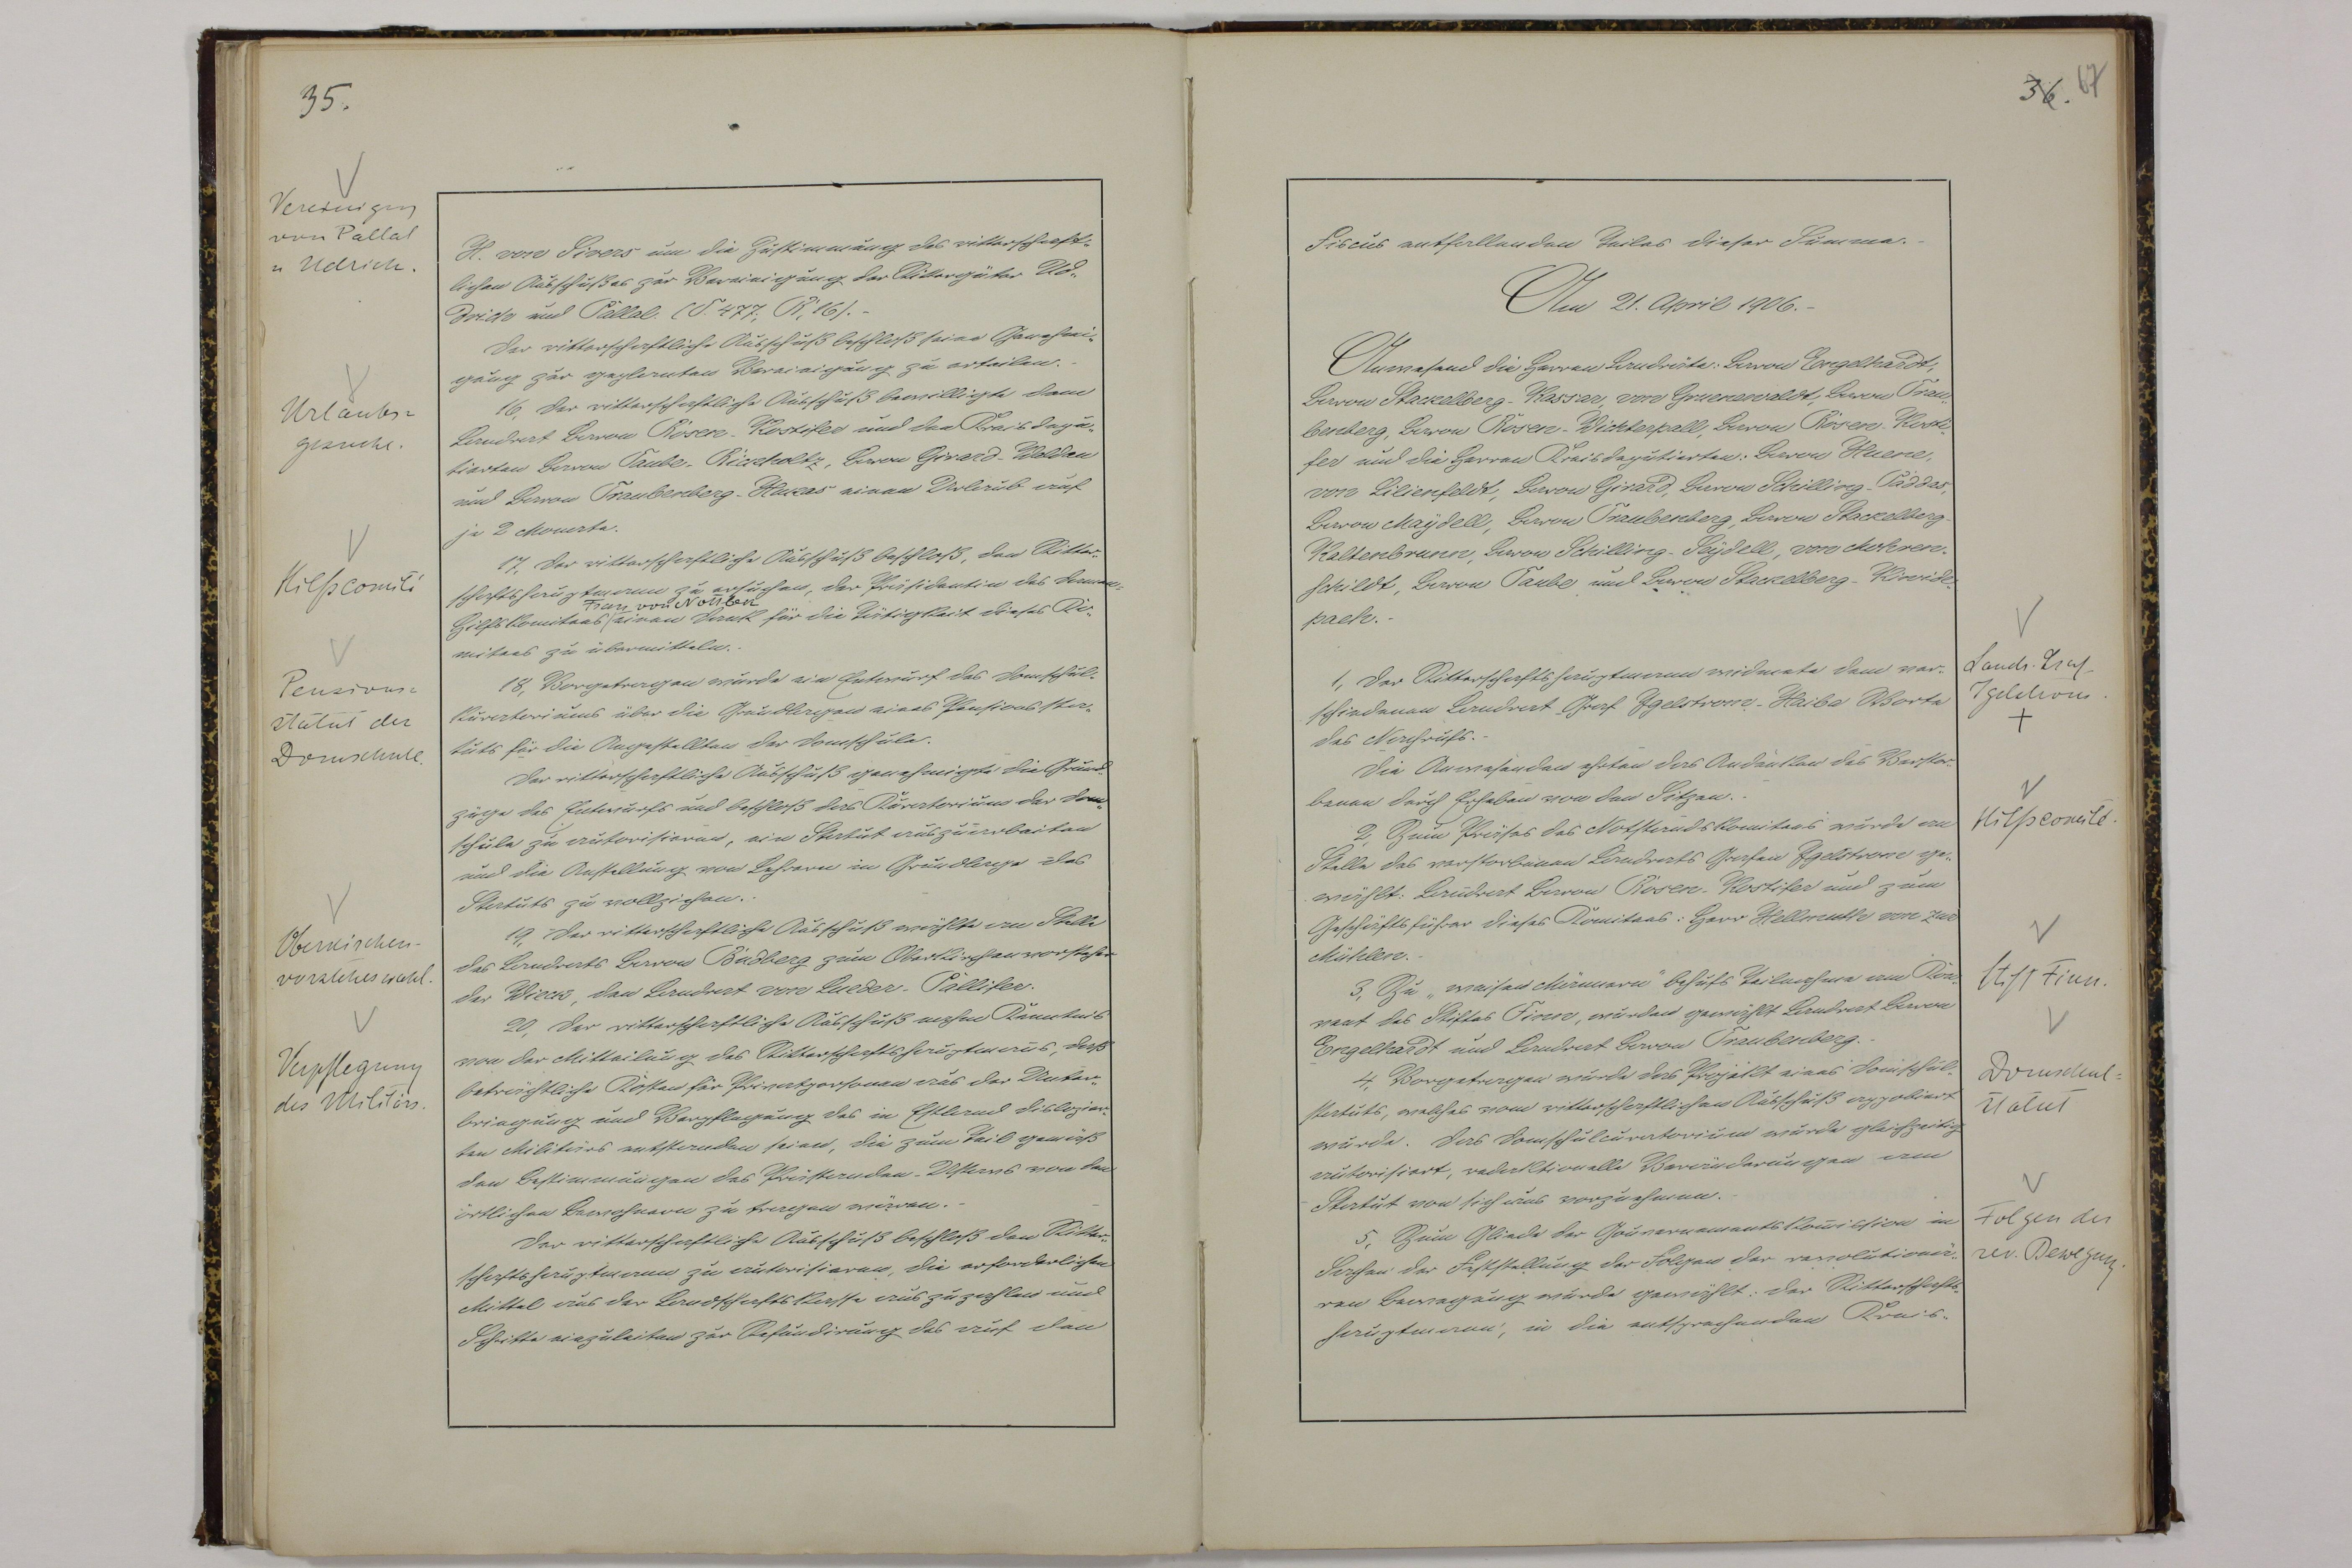Vereinigung
von Pallal
u. Uddrich
Urlaubs-
gesuche.
Hilfscomité
Pensions-
statut der
Domschule.
Oberkirchen-
vorsteherwahl.
Verpflegung
des Militärs.
H. von Sivers um die Zustimmung des ritterschaft-
lichen Ausschußes zur Vereinigung der Rittergüter Ud-
drich und Pallal (T.477; R.16).
Der ritterschaftliche Ausschuß beschloß seine Genehmi-
gung zur geplanten Vereinigung zu erteilen.
16. Der ritterschaftliche Ausschuß bewilligte dem
Landrat Baron Rosen-Kostifer und den Kreisdepu-
tierten Baron Taube-Rickholtz, Baron Girard-Waldau
und Baron Traubenberg-Hukas einen Urlaub auf
je 2 Monate.
17. Der ritterschaftliche Ausschuß beschloß, den Ritter-
schaftshauptmann zu ersuchen, der Präsidentin des Damen-
Frau von Nottbek
Hilfskomitees einen Dank für die Tätigkeit dieses Ko-
mitees zu übermitteln.
18. Vorgetragen wurde ein Entwurf des Domschul-
kuratoriums über die Grundlagen eines Pensionssta-
tuts für die Angestellten der Domschule.
Der ritterschaftliche Ausschuß genehmigte die Grund-
züge des Entwurfs und beschloß das Kuratorium der Dom-
schule zu autorisieren, ein Statut auszuarbeiten
und die Anstellung von Lehrern in Grundlage des
Statuts zu vollziehen.
19. Der ritterschaftliche Ausschuß wählte an Stelle
des Landrats Baron Budberg zum Oberkirchenvorsteher
der Wieck den Landrat von Lueder-Pallifer.
20. Der ritterschaftliche Ausschuß nahm Kenntnis
von der Mitteilung des Ritterschaftshauptmanns, daß
beträchtliche Kosten für Privatpersonen aus der Unter-
bringung und Verpflegung des in Estland dislozier-
ten Militärs entstanden seien, die zum Teil gemäß
den Bestimmungen des Prästanden-Ustavs von den
örtlichen Bewohnern zu tragen wären.
Der ritterschaftliche Ausschuß beschloß den Ritter-
schaftshauptmann zu autorisieren, die erforderlichen
Mittel aus der Landschaftskasse auszuzahlen und
Schritte einzuleiten zur Refundierung des auf den
Fiscus entfallenden Teiles dieser Summe.
Am 21. April 1906.
Anwesend die Herren Landräte: Baron Engelhardt,
Baron Stackelberg-Kassar, von Gruenewaldt, Baron Trau-
benberg, Baron Rosen-Wichterpall, Baron Rosen-Kosti-
fer und die Herren Kreisdeputierten: Baron Huene,
von Lilienfeldt, Baron Girard, Baron Schilling-Paddas,
Baron Maydell, Baron Traubenberg, Baron Stackelberg-
Kaltenbrunn, Baron Schilling-Seydell, von Mohren-
schildt, Baron Taube und Baron Stackelberg-Kiwide-
paeh.
1. Der Ritterschaftshauptmann widmete dem ver-
schiedenen Landrat Graf Igelstrom-Haiba Worte
des Nachrufs.
Die Anwesenden ehrten das Andenken des Verstor-
benen durch Erheben von den Sitzen.
2. Zum Präses des Notstandskomitees wurde an
Stelle des verstorbenen Landrats Grafen Igelstrom ge-
wählt: Landrat Baron Rosen-Kostifer und zum
Geschäftsführer dieses Komitees: Herr Hellmuth von zur
Mühlen.
3. Zu „weisen Männern“ behufs Teilnahme am Kon-
vent des Stiftes Finn, wurden gewählt Landrat Baron
Engelhardt und Landrat Baron Traubenberg.
4. Vorgetragen wurde das Projekt eines Domschul-
statuts, welches vom ritterschaftlichen Ausschuß appobiert
wurde. Das Domschulcuratorium wurde gleichzeitig
autorisiert, redaktionelle Veränderungen am
Statut von sich aus vorzunehmen.
5. Zum Gliede der Gouvernementskommission in
Sachen der Feststellung der Folgen der revolutionä-
ren Bewegung wurde gewählt: der Ritterschafts-
hauptmann; in die entsprechenden Kreis-
Landr. Graf
Igelstrom
†
Hilfscomité
Stift Finn
Domschul-
statut
Folgen der
rev. Bewegung